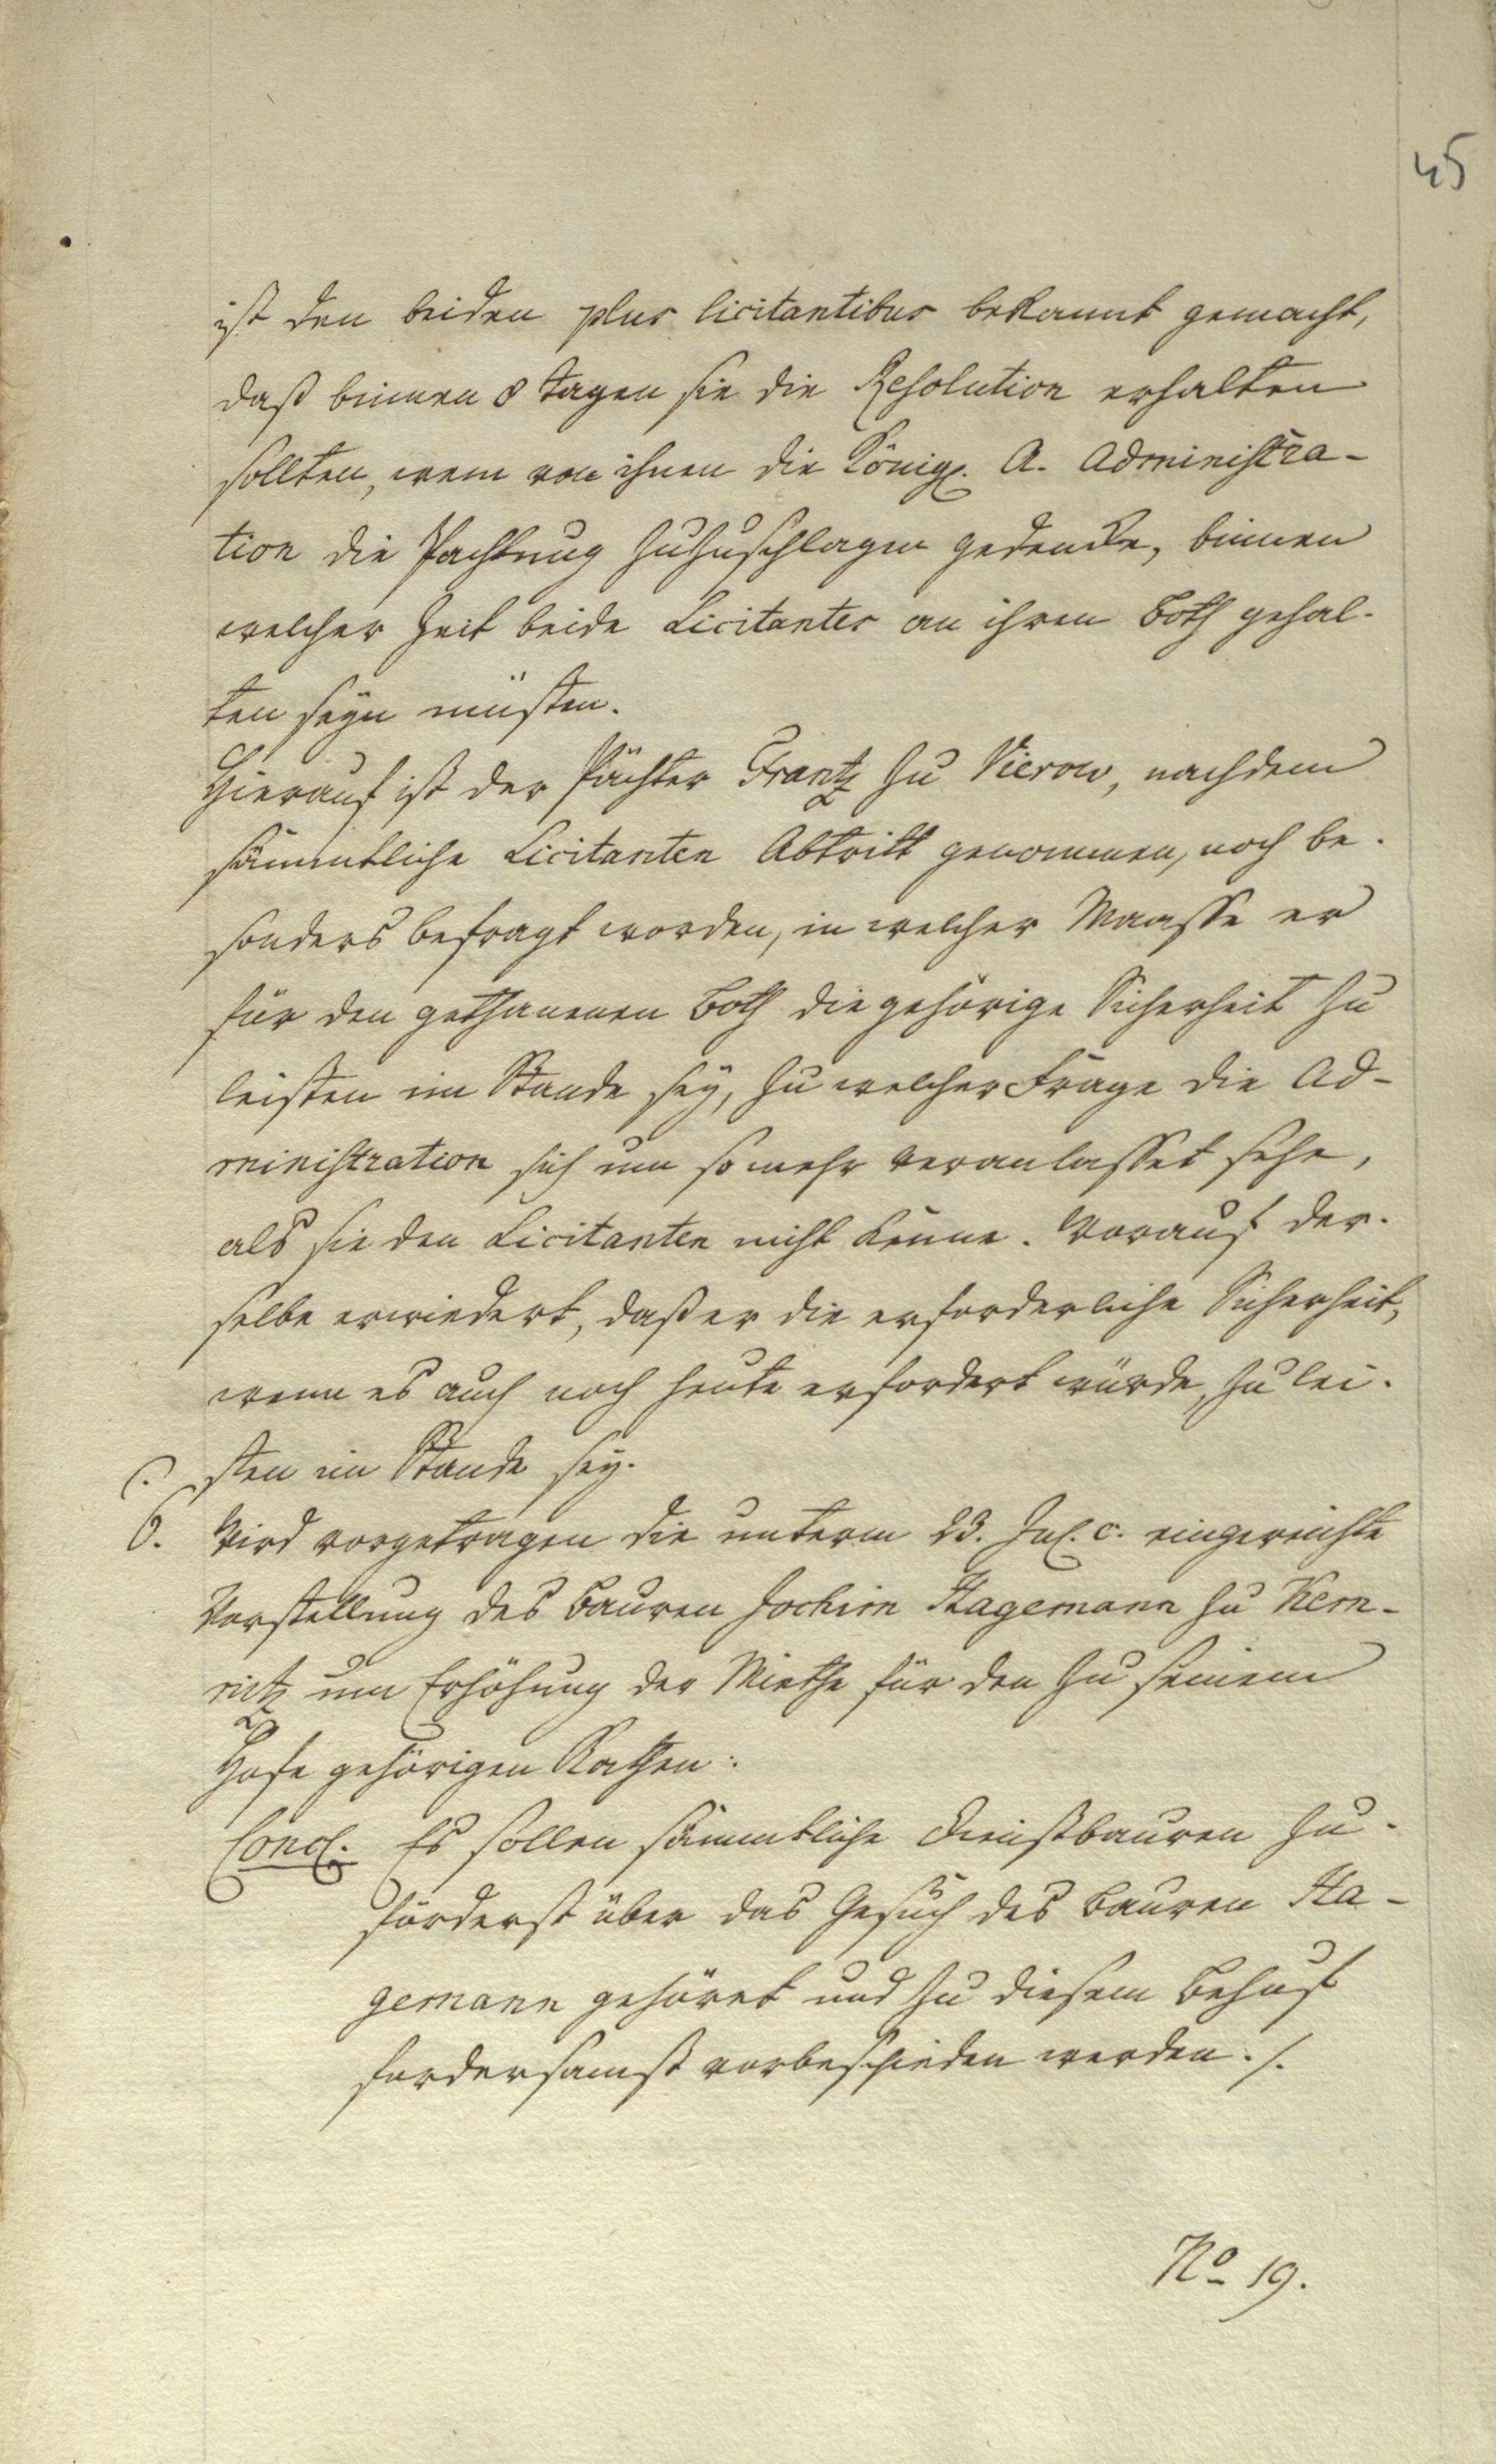ist den beiden plus licitantibus bekannt gemacht,
daß binnen 8 Tagen sie die Resolution erhalten
sollten, wem von ihnen die Königl. A. Administra¬
tion die Pachtung zuzuschlagen gedencke, binnen
welcher Zeit beide Licitanten an ihrem Both gehal¬
ten seÿn müßten.
Hierauf ist der Pächter Frantz zu Vierow, nachdem
sämmtliche Licitanten Abtritt genommen, noch be¬
sonders befragt worden, in welcher Maasse er
für den gethanenen Both die gehörige Sicherheit zu
leisten im Stande seÿ, zu welcher Frage die Ad¬
ministration sich um so mehr veranlasset sehe,
als sie den Licitanten nicht kenne. Worauf der¬
selbe erwiedert, daß er die erforderliche Sicherheit,
wenn es auch noch heute erfordert würde, zu lei¬
sten im Stande seÿ.
6. Wird vorgetragen die unterm 23. hoc. eingereichte
Vorstellung des Bauren Jochim Hagemann zu Kem¬
nitz um Erhöhung der Miethe für den zu seinem
Hofe gehörigen Kathen:
Concl. Es sollen sämmtliche Dienstbauren zu¬
förderst über das Gesuch des Bauren Ha¬
gemann gehöret und zu diesem Behuf
fordersamst vorbeschieden werden. /.
No 19.